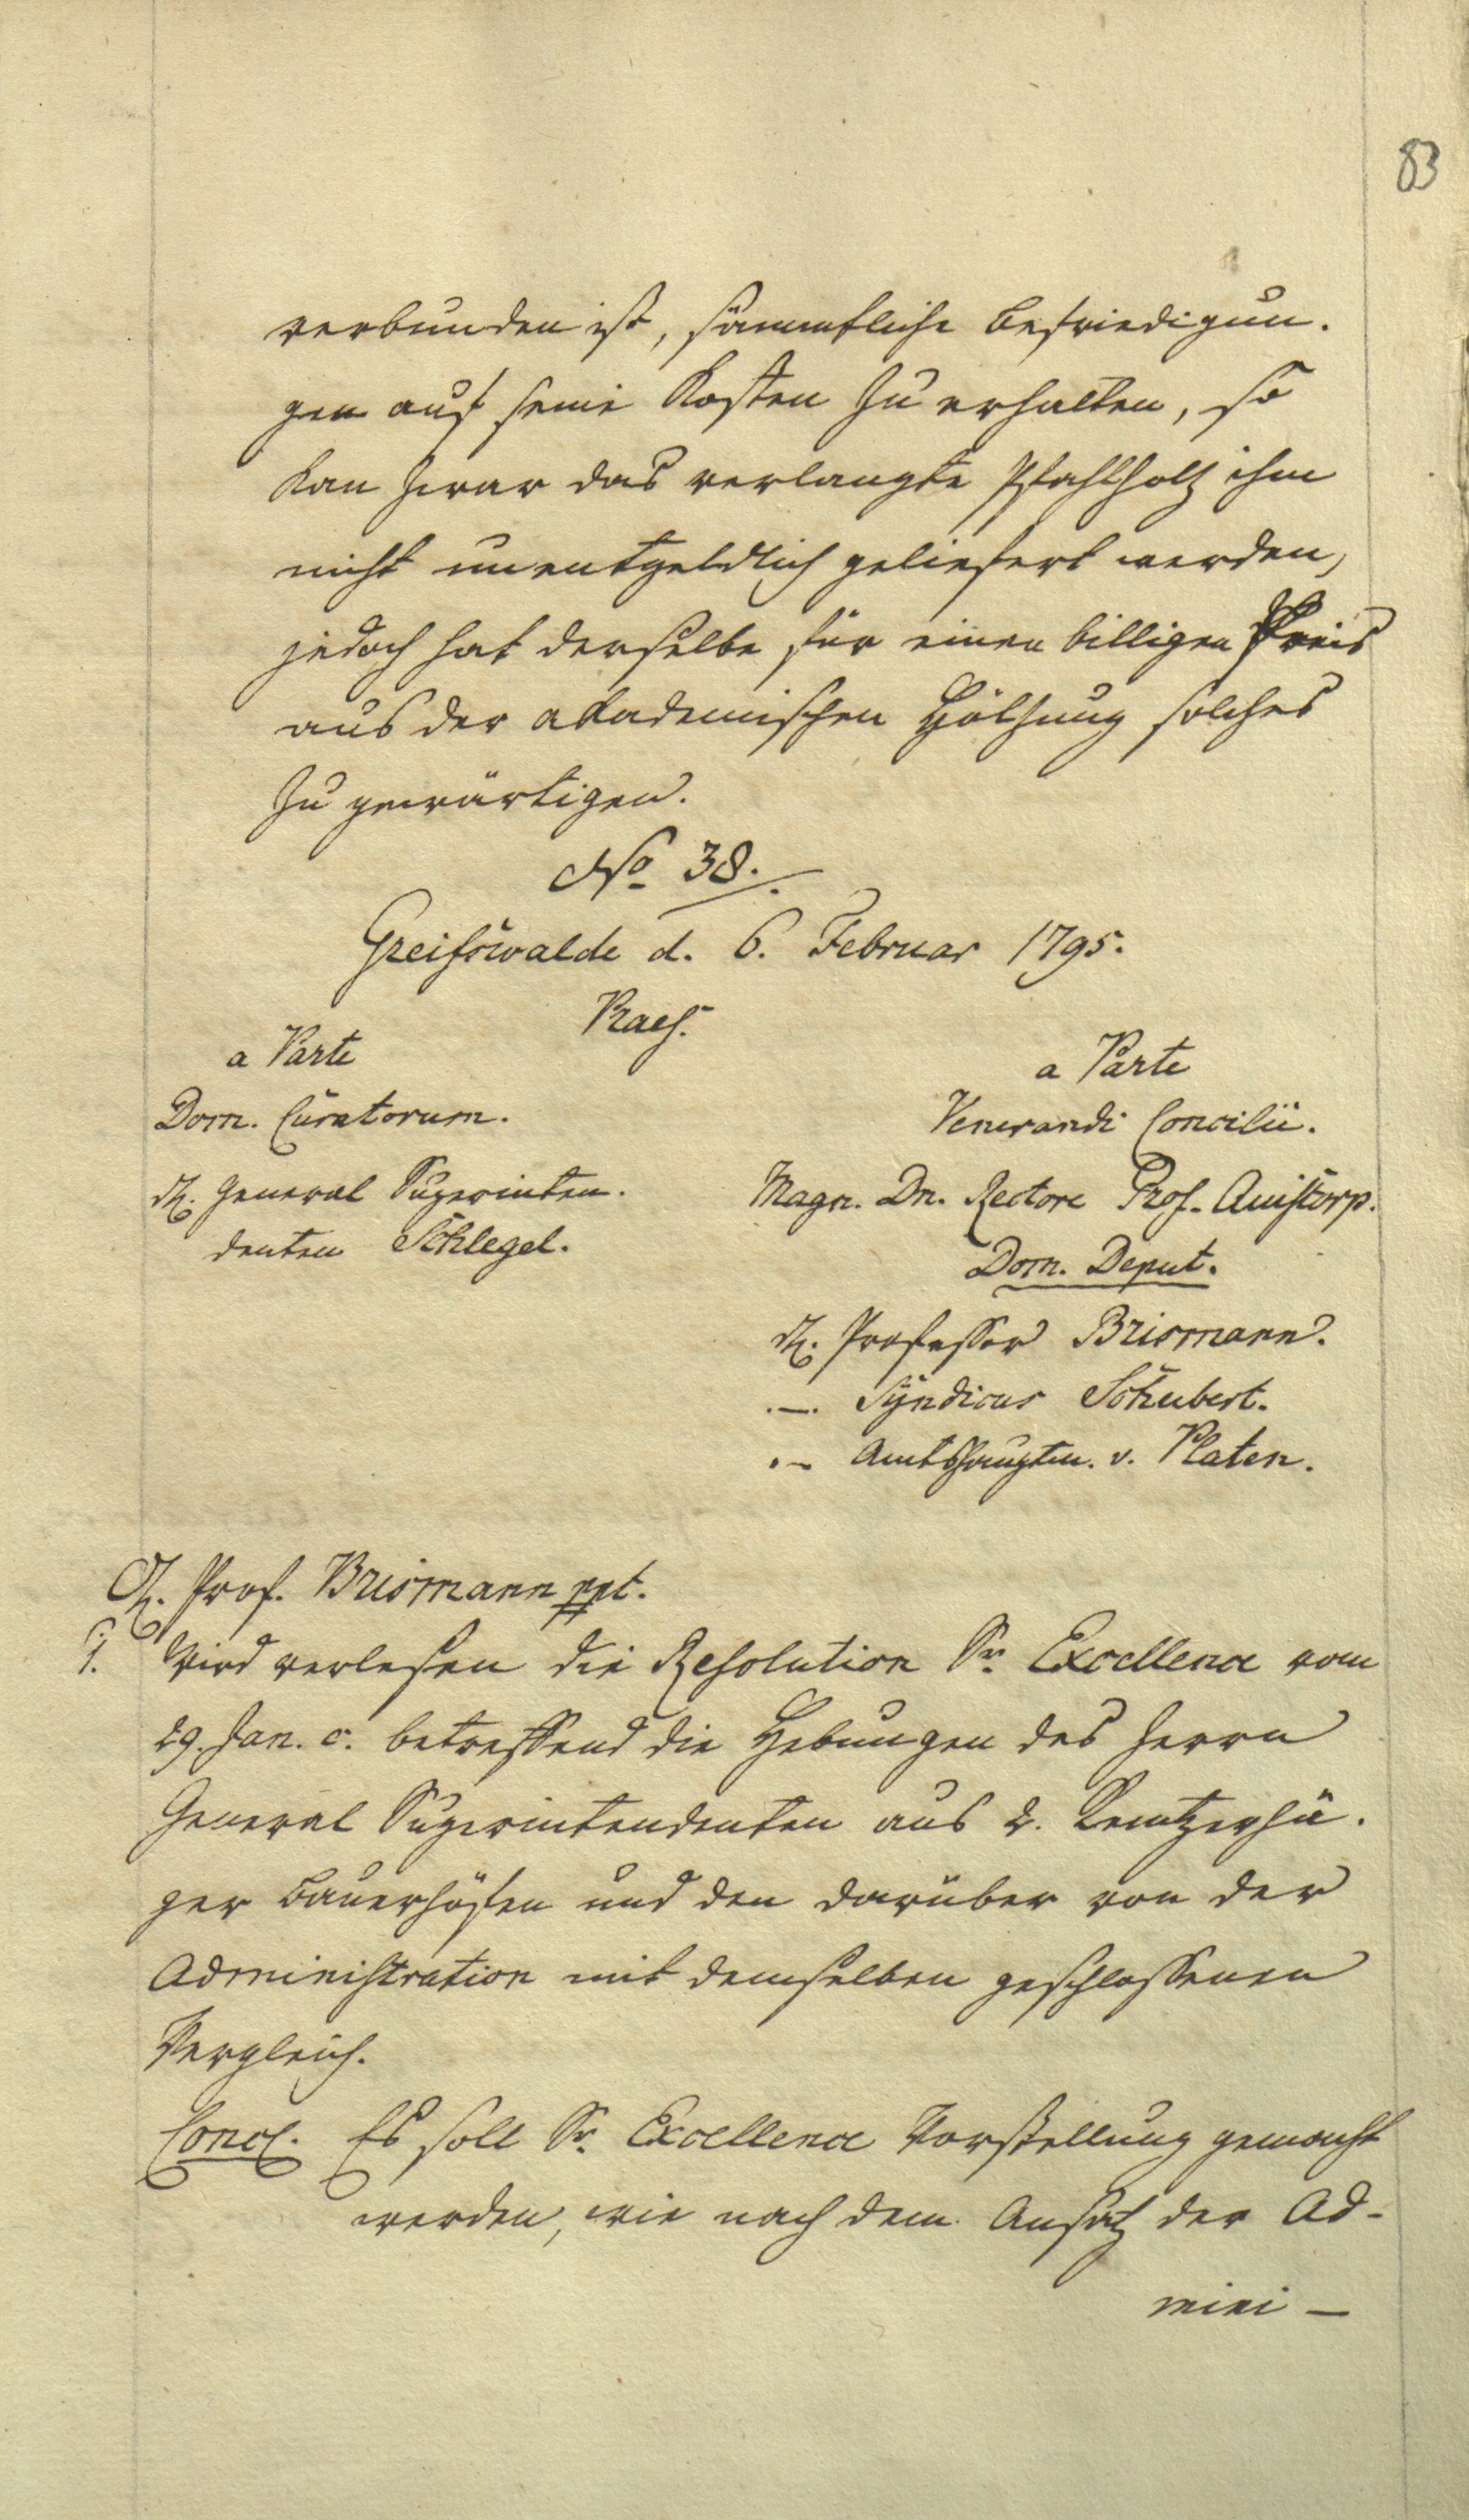verbunden ist, sämmtliche Befriedigun¬
gen auf seine Kosten zu erhalten, so
kan zwar das verlangte Pfahlholz ihm
nicht unentgeldlich geliefert werden,
jedoch hat derselbe für einen billigen Preis
aus der akademischen Hölzung solches
zu gewärtigen.
No 38.
Greifswalde d. 6. Februar 1795.
Praes.
a Parte a Parte
Dom. Curatorum. Venerandi Concilii.
dh. General Superinten¬ Magn. Dn. Rectore Prof. Quistorp.
denten Schlegel.
Dom. Deput.
dh. Professor Brismann.
Sÿndicus Schubert.
Amtshauptm. v. Platen.
dh. Prof. Brismann ppt.
1. Wird verlesen die Resolution Sr Excellence vom
29. Jan. c. betreffend die Hebungen des Herrn
General Superintendenten aus 2. Kemtzerhä¬
ger Bauerhöfen und den darüber von der
Administration mit demselben geschlossenen
Vergleich.
Concl. Es soll Sr Excellence Vorstellung gemacht
werden, wie nach dem Ansatz der Ad
mini¬